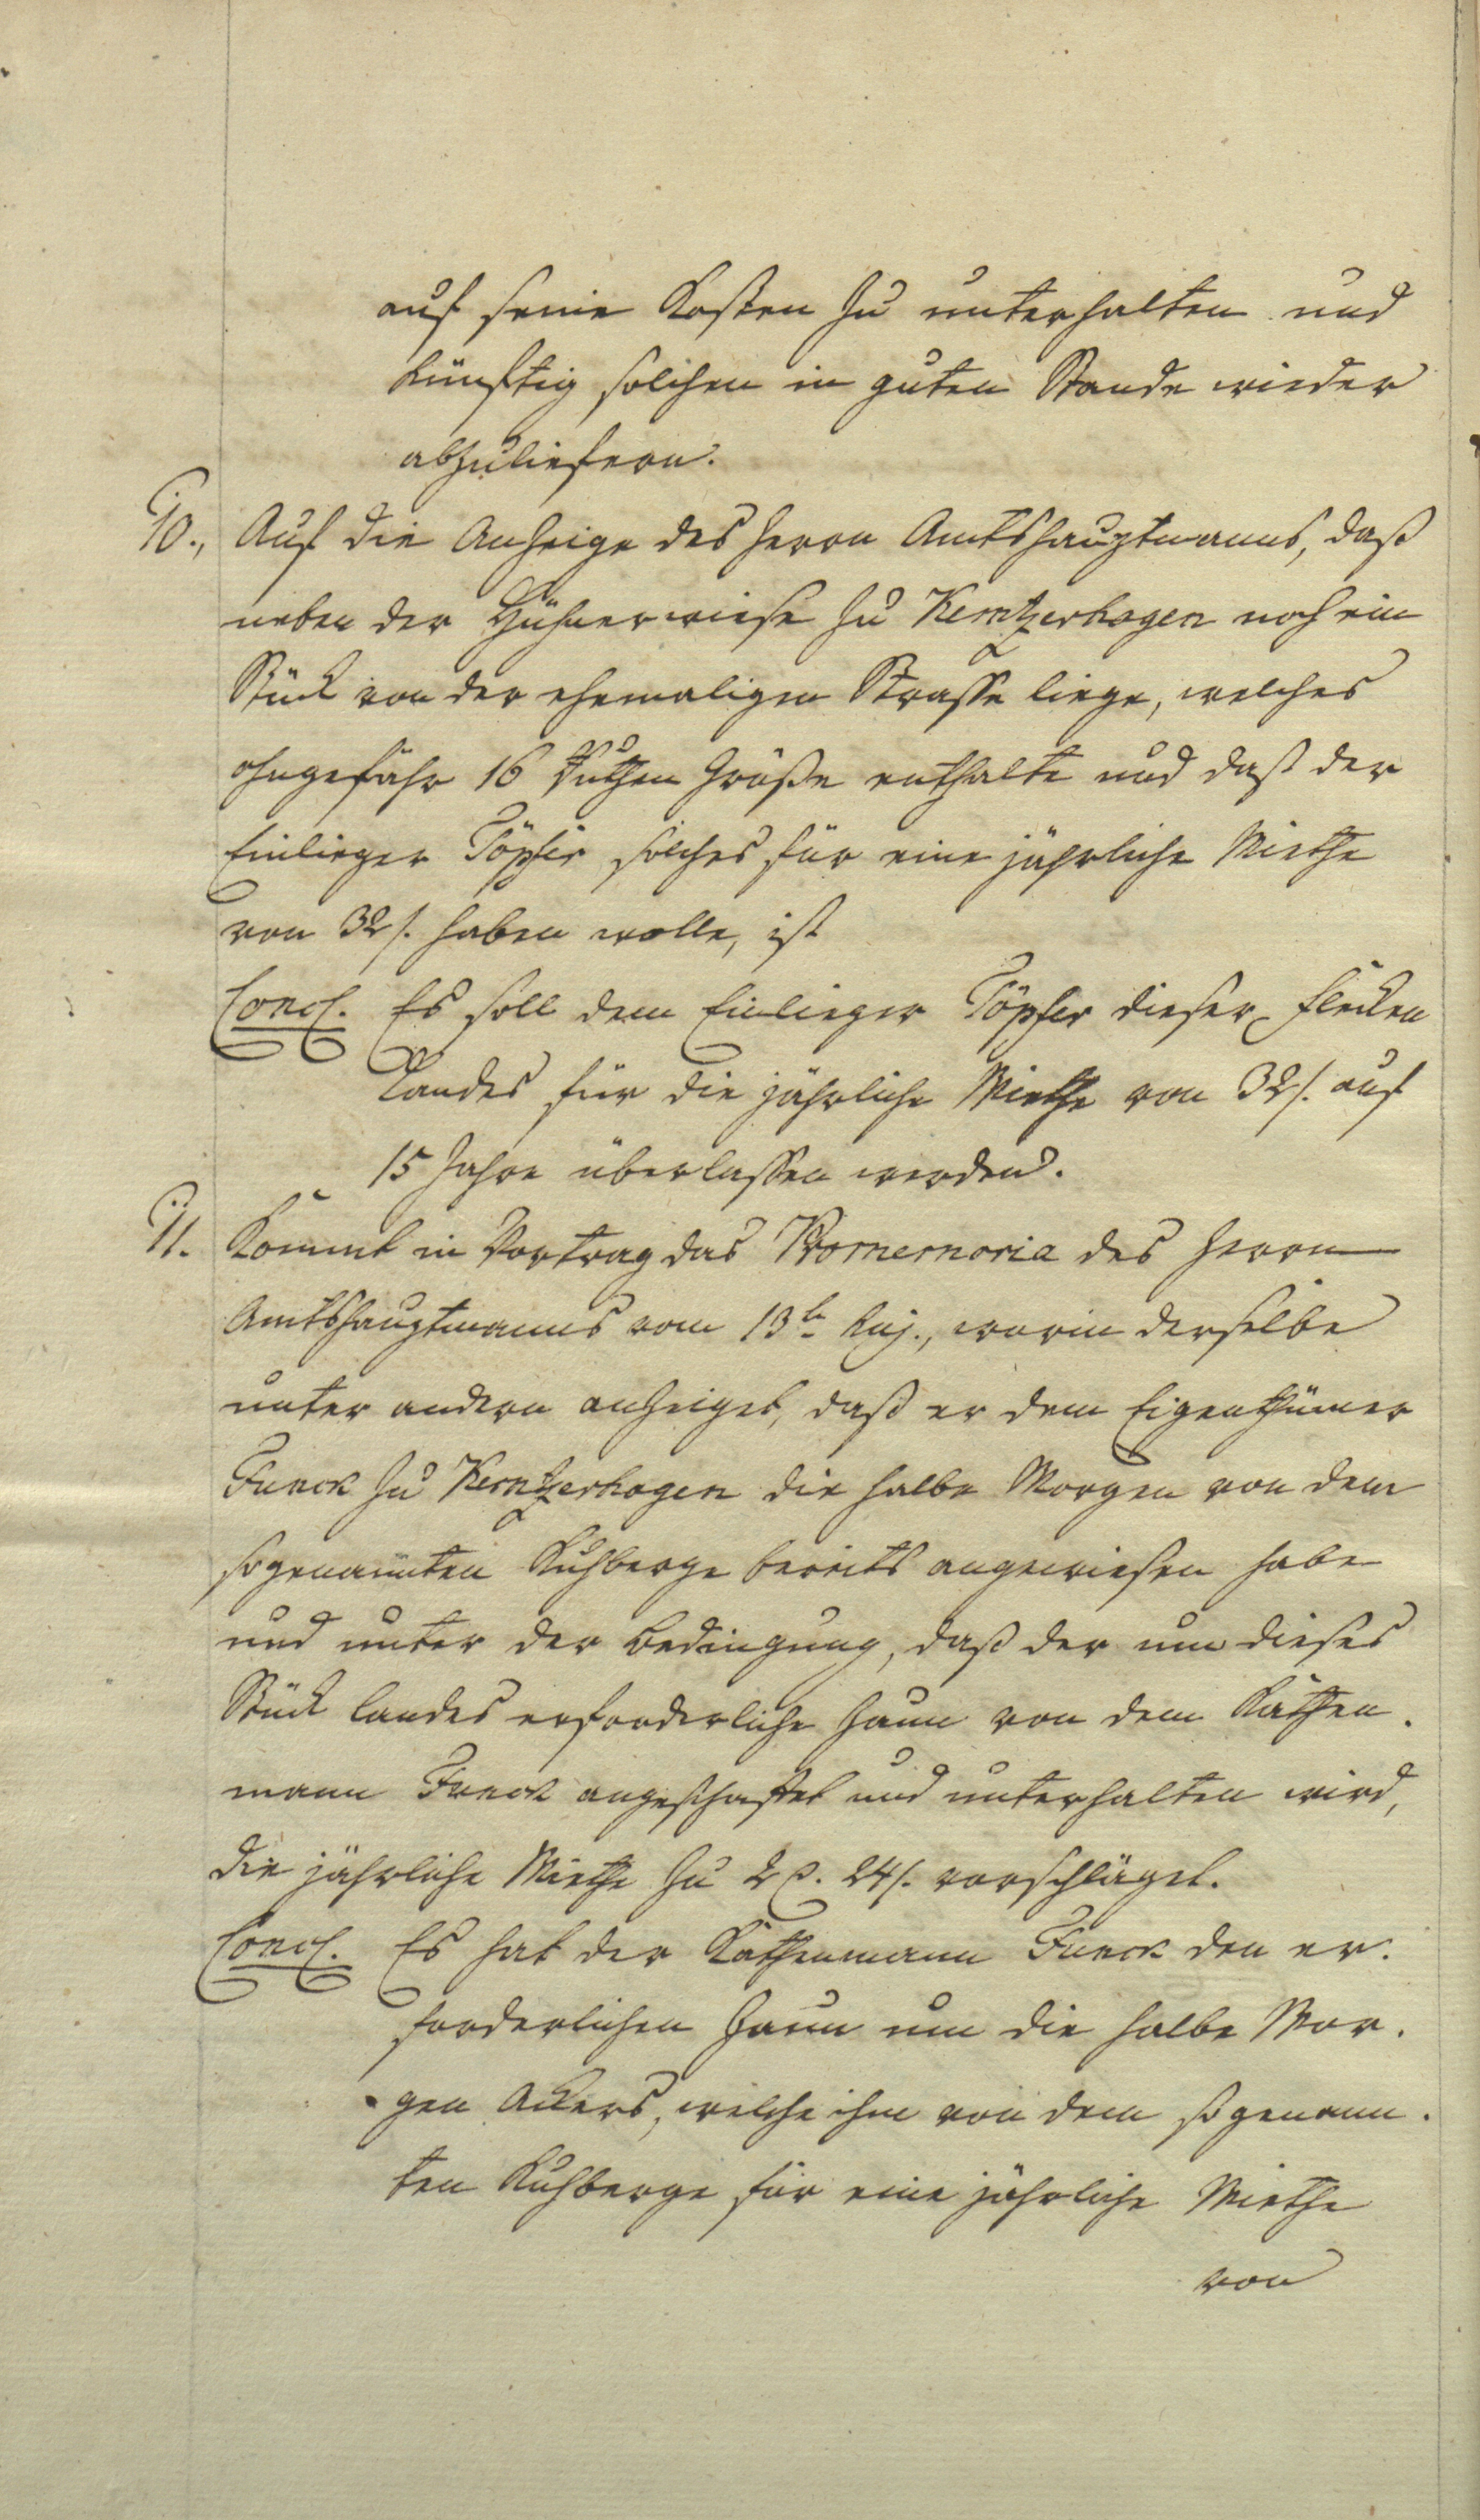auf seine Kosten zu unterhalten und
künftig solchen in gutem Stande wieder
abzuliefern.
10. Auf die Anzeige des Herrn Amtshauptmanns, daß
neben der Hühnerwiese zu Kemtzerhagen noch ein
Stück von der ehemaligen Strasse liegen, welches
ohngefähr 16 Ruthen Grösse enthalte und daß der
Einlieger Töpfer solches für eine jährliche Miethe
von 32 s. haben wolle, ist
Concl. Es soll dem Einlieger Töpfer dieser Flecken
Landes für die jährliche Miethe von 32 s. auf
15 Jahre überlassen werden.
11. Kommt in Vortrag das Promemoria des Herrn
Amtshauptmanns vom 13 t huj., worin derselbe
unter andern anzeiget, daß er dem Eigenthümer
Funck zu Kemtzerhagen die halbe Morgen von dem
sogenannten Kuhberge bereits angewiesen habe
und unter der Bedingung, daß der um dieses
Stück Landes erforderliche Zaun von dem Kathen¬
mann Funck angeschaffet und unterhalten wird,
die jährliche Miethe zu 2 l. 24 s. vorschläget.
Concl. Es hat der Kathenmann Funck den er¬
forderlichen Zaun um die halbe Mor¬
gen Ackers, welche ihm von dem sogenann¬
ten Kuhberge für eine jährliche Miethe
von